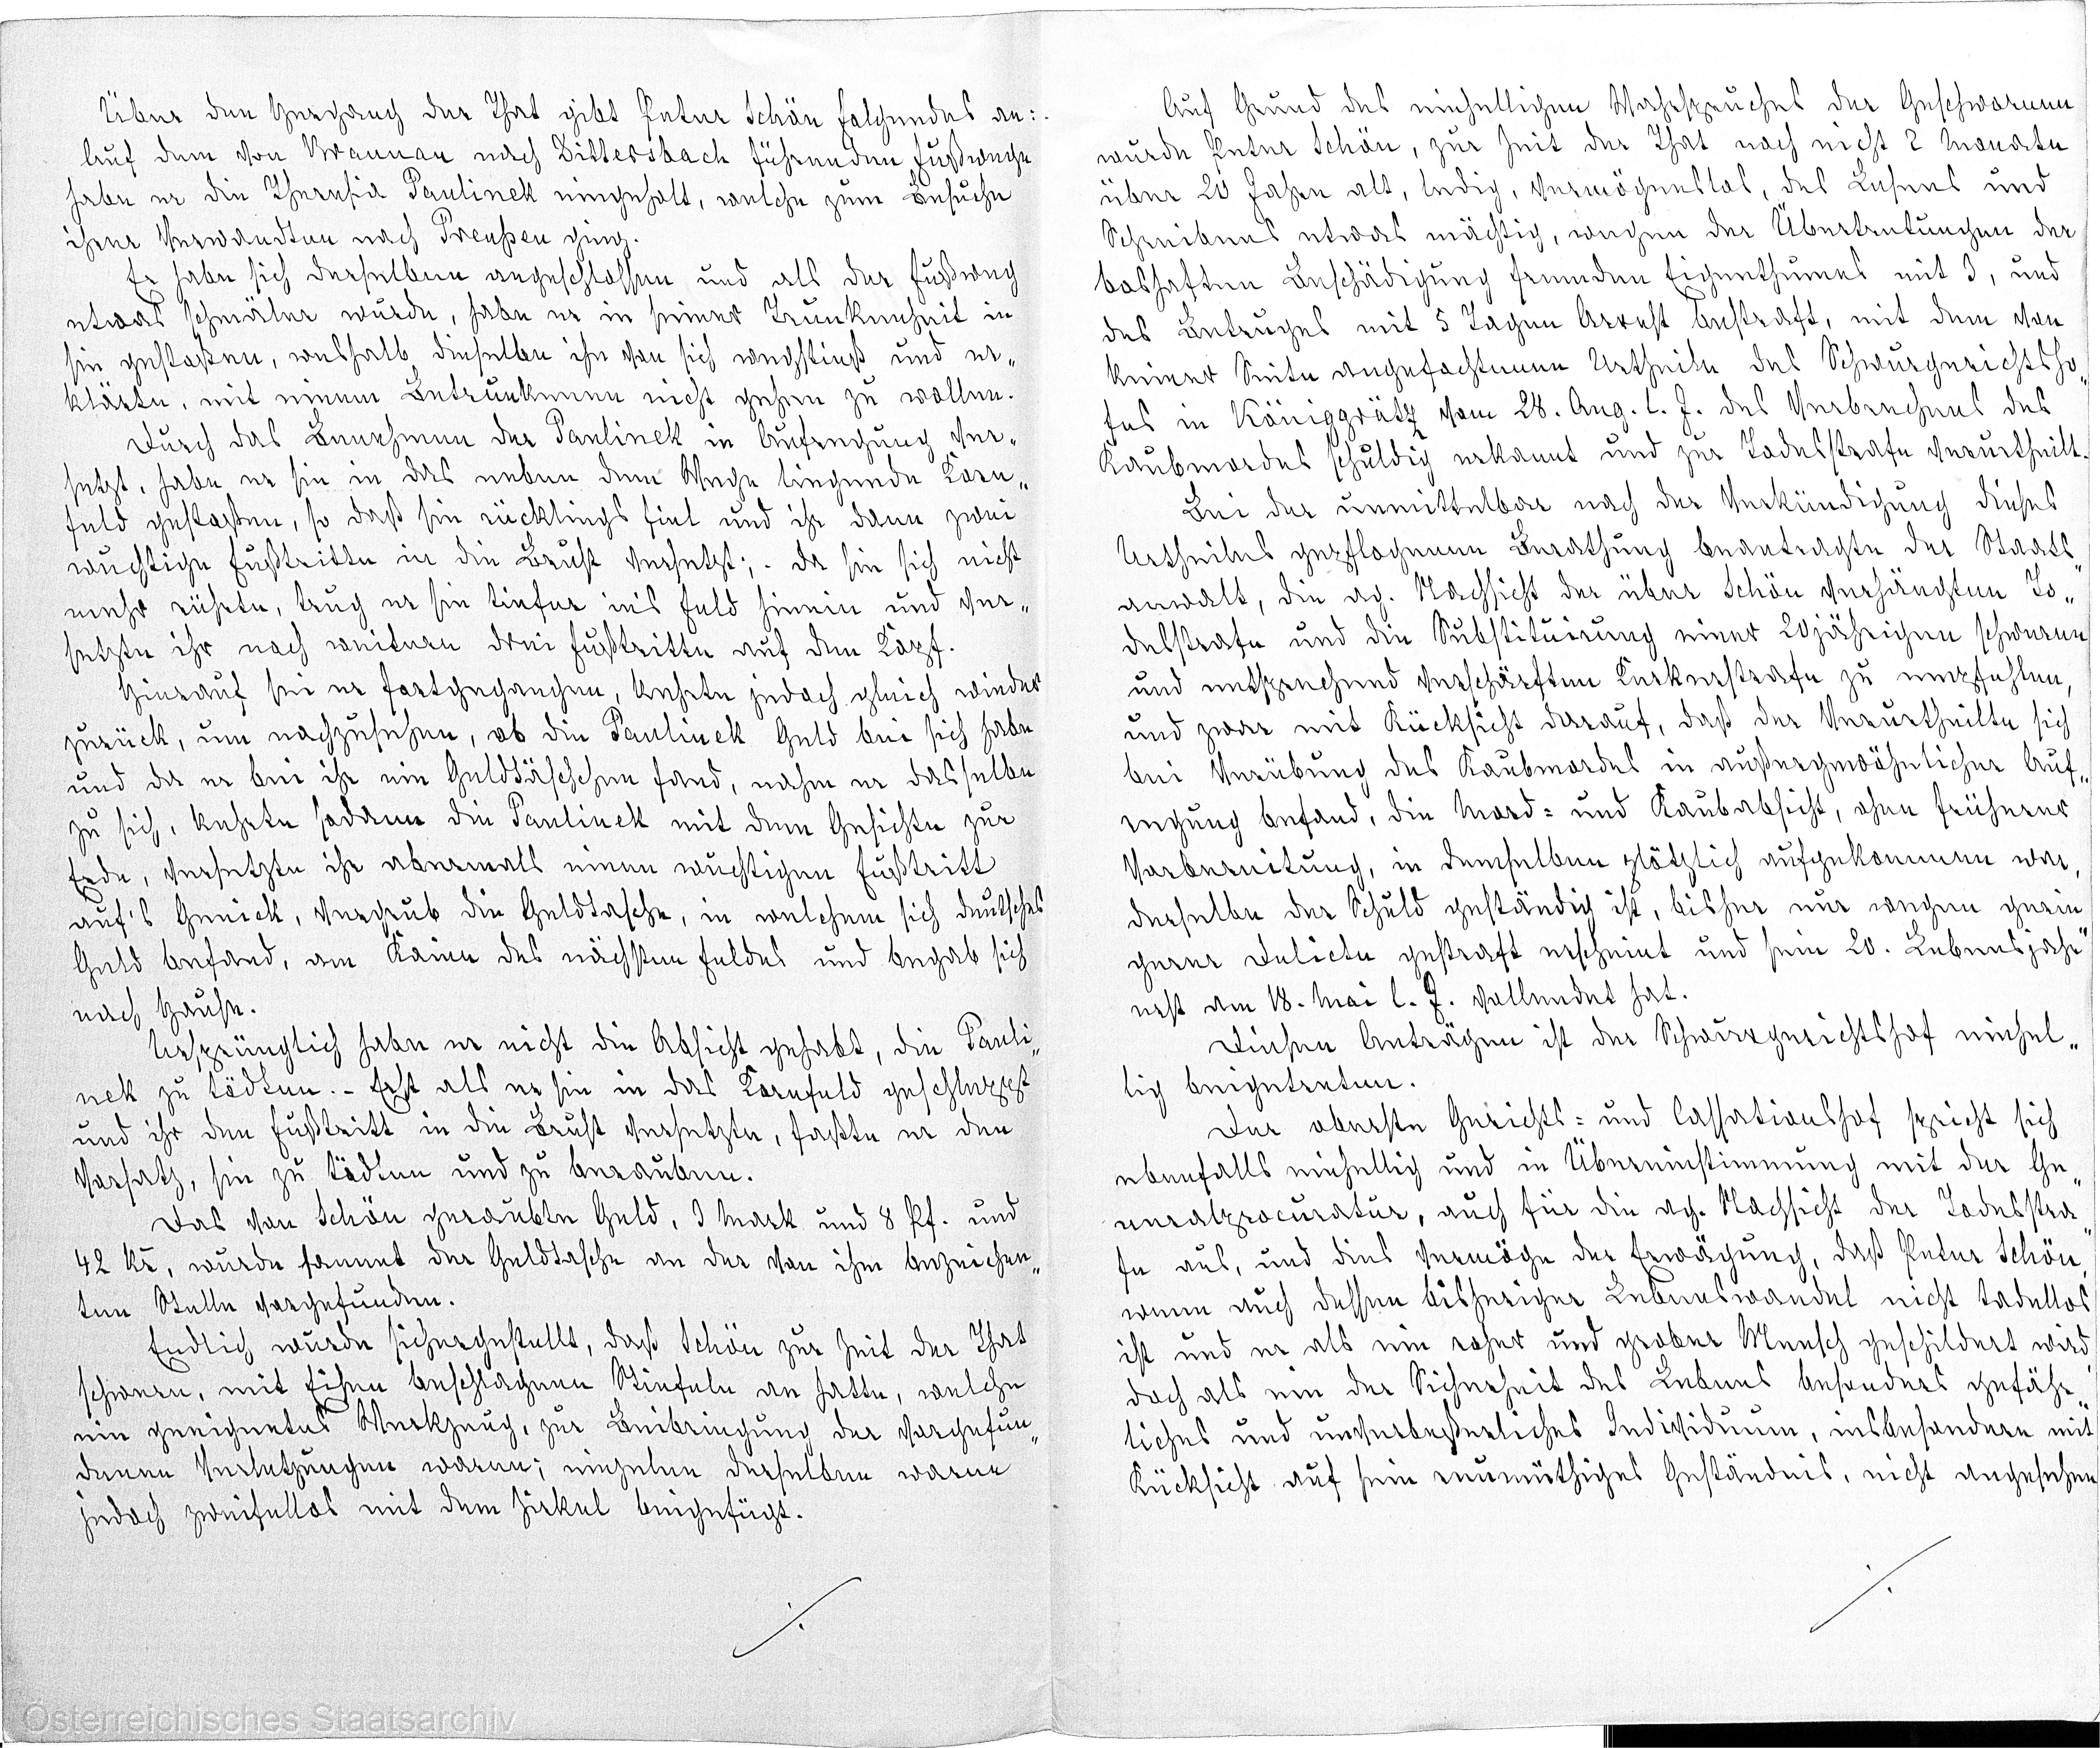Über den Hergang der That gibt Peter Schön folgendes an:
Auf dem von Braunau nach Dittersbach führenden Fußwege
habe er die Theresia Paulinek eingeholt, welche zum Besuche
ihrer Verwandten nach Preußen ging.
Er habe sich derselben angeschlossen und als der Fußweg
etwas schmäler wurde, habe er in seiner Trunkenheit in
sie gestoßen, weshalb dieselbe ihn von sich wegstieß und er¬
klärte, mit einem Betrunkenen nicht gehen zu wollen.
Durch das Benehmen der Paulinek in Aufregung ver¬
setzt, habe er sie in das neben dem Wege liegende Korn¬
feld gestoßen, so daß sie rücklings fiel und ihr dann zwei
wuchtige Fußtritte in die Brust versetzt; da sie sich nicht
mehr rührte, trug er sie tiefer ins Feld hinein und ver¬
setzte ihr nach weitere drei Fußtritte auf den Kopf.
Hierauf sei er fortgegangen, kehrte jedoch gleich wieder
zurück, um nachzusehen, ob die Paulinek Geld bei sich habe
und da er bei ihr ein Geldtäschen fand, nahm er dasselbe
zu sich, kehrte sodann die Paulinek mit dem Gesichte zur
Erde, versetzte ihr abermals einen wüchtigen Fußtritt
auf’s Genick, vergrub die Geldtasche, in welchem sich deutsches
Geld befand, am Raine des nächsten Feldes und begab sich
nach Hause.
Ursprünglich habe er nicht die Absicht gehabt, die Pauli¬
nek zu tödten. Erst als er sie in das Kornfeld geschleppt
und ihr den Fußtritt in die Brust versetzte, faßte er den
Vorsatz, sie zu tödten und zu berauben.
Das von Schön geraubte Geld, 3 Mark und 8 Pf. Und
42 Kr., wurde sammt der Geldtasche an der von ihm bezeichne¬
ten Stelle vorgefunden.
Endlich wurde sichergestellt, daß Schön zur Zeit der That
schwere, mit Eisen beschlagene Stiefeln an hatte, welche
ein geeignetes Werkzeug, zur Beibringung der vorgefun¬
denen Verletzungen waren; einzelne derselben waren
jedoch zweifellos mit dem Zirkel beigeführt.
Auf Grund des einhelligen Wahrspruches der Geschworenen
wurde Peter Schön, zur Zeit der That noch nicht 2 Monate
über 20 Jahre alt, ledig, vermögenslos, des Lesens und
Schreibens etwas mächtig, wegen der Übertretungen der
boshaften Beschädigung fremden Eigenthumes mit 3, und
des Betruges mit 5 Tagen Arrest bestraft, mit dem von
keiner Seite angefochtenen Urtheile des Schwurgerichtsho¬
fes in Königgrätz vom 28. Aug. l. J. des Verbrechens des
Raubmordes schuldig erkannt und zur Todesstrafe verurtheilt.
Bei der unmittelbar nach der Verkündigung dieses
Urtheiles gepflogenen Berathung beantragte der Staats¬
anwalt, die ag. Nachsicht der über Schön verhängten To¬
desstrafe und die Stubstituirung einer 20jährigen schweren
und entsprechend verschärften Kerkerstrafe zu empfehlen,
und zwar mit Rücksicht darauf, daß der Verurtheilte sich
bei Verübung des Raubmordes in außergewöhnlichen Auf¬
regung befand, die Mord- und Raubabsicht, ohne früherer
Vorbereitung, in demselben plötzlich aufgekommenen war,
derselbe der Schuld geständig ist, bisher nur wegen gerin¬
gerer Delicte gestraft erscheint und sein 20. Lebensjahr
erst am 18. Mai l. J. vollendet hat.
Diesen Anträgen ist der Schwurgerichtshof einhel¬
lig beigetreten.
Der obersten Gerichts- und Cassationshof spricht sich
ebenfalls einhellig und in Übereinstimmung mit der Ge¬
neralprocuratur, auch für die ag. Nachsicht der Todesstra¬
fe aus, und dies vermöge der Erwägung, daß Peter Schön
wenn auch dessen bisheriger Lebenswandel nicht tadellos
ist und er als ein roher und grober Mensch geschildert wird
doch als ein der Sicherheit des Lebens besonders gefähr¬
liches und unverbeßerliches Individuum, insbesondere mit
Rücksicht auf sein reumüthiges Geständnis, nicht angesehen